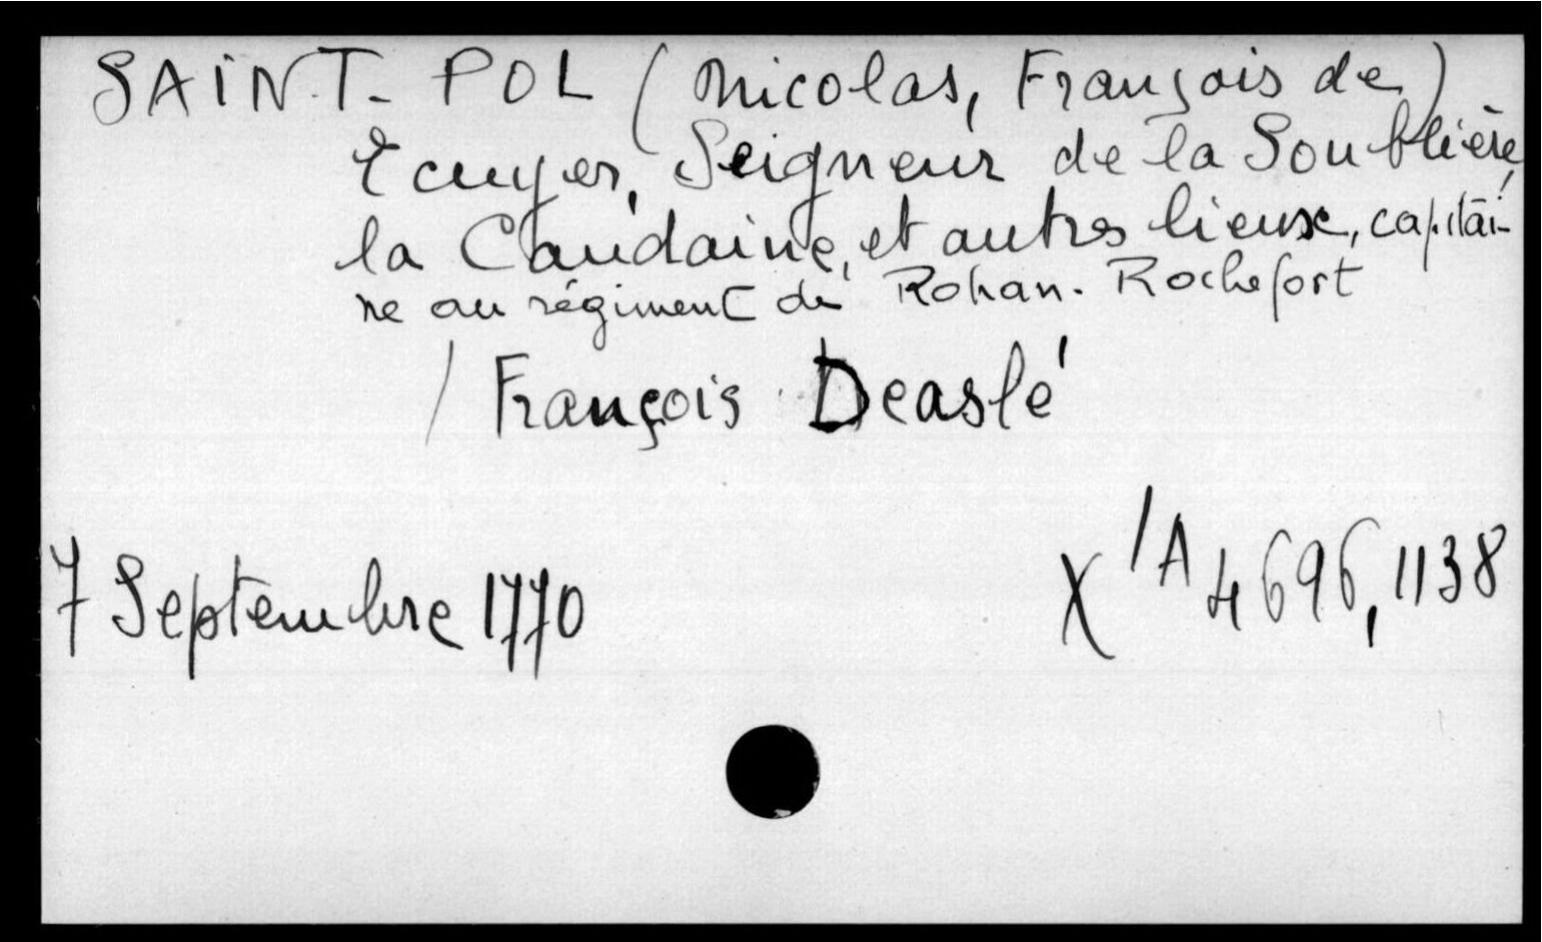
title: SAINT-POL (Nicolas, François de) Écuyer, Seigneur de la soublière la Caudaine, et autres lieux, capitaine au régiment de Rohan-Rochefort
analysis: Contre François Deaslé
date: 7 septembre 1770
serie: X1A
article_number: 4696
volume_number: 1138
